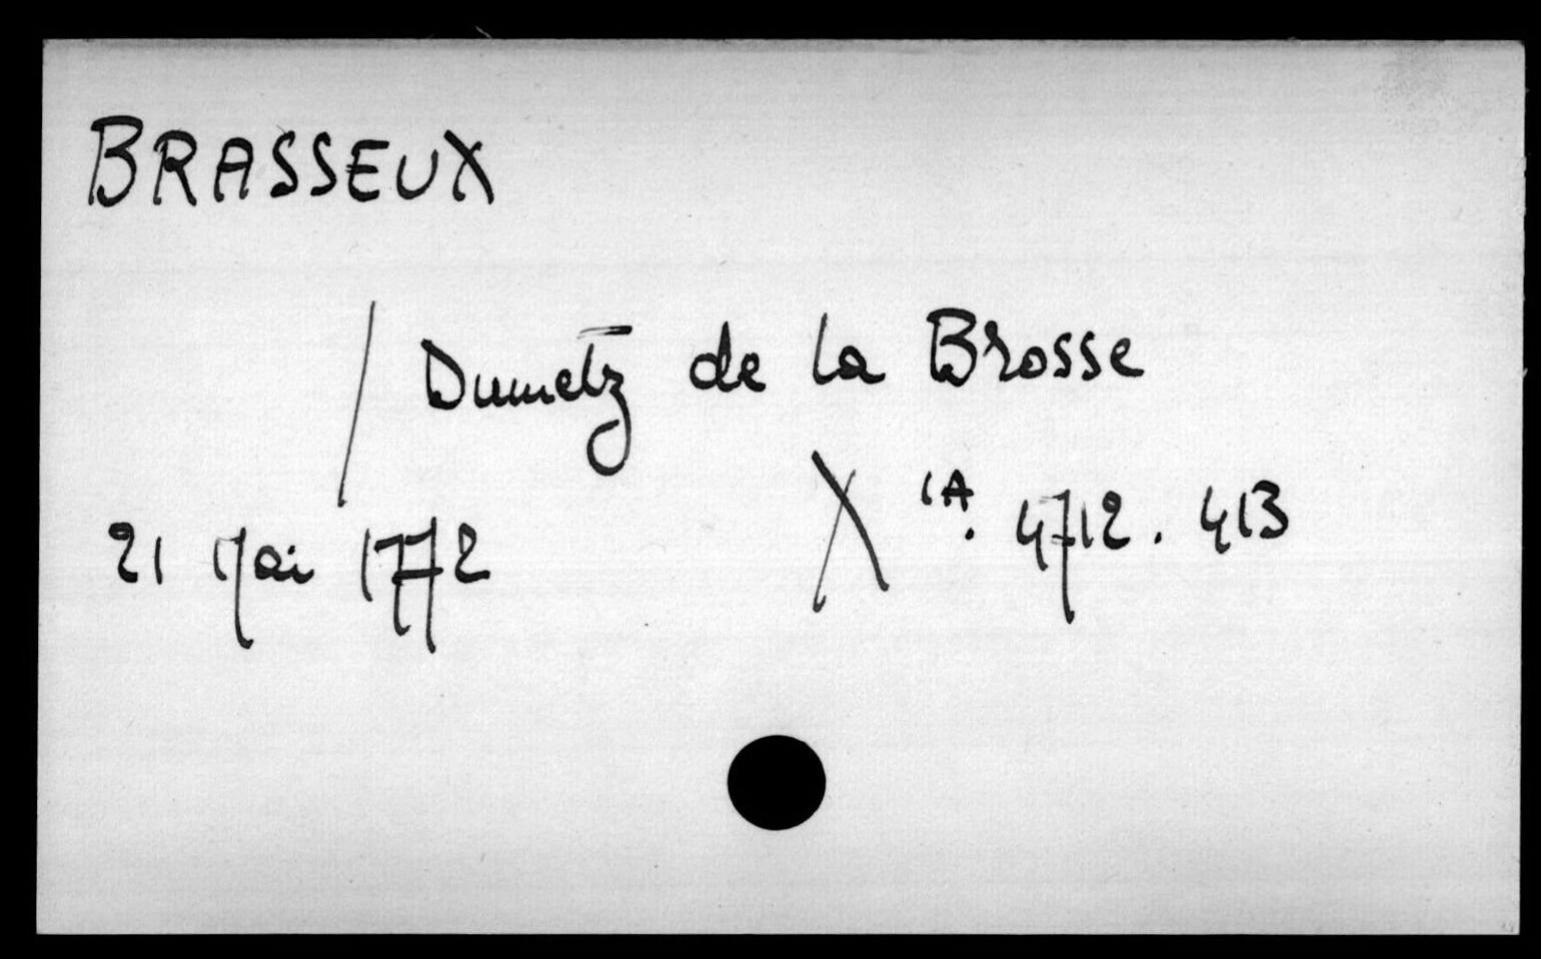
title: BRASSEUX
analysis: Contre Dumetz de la Brosse
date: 21 mai 1772
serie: X1A
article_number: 4712
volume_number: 413
